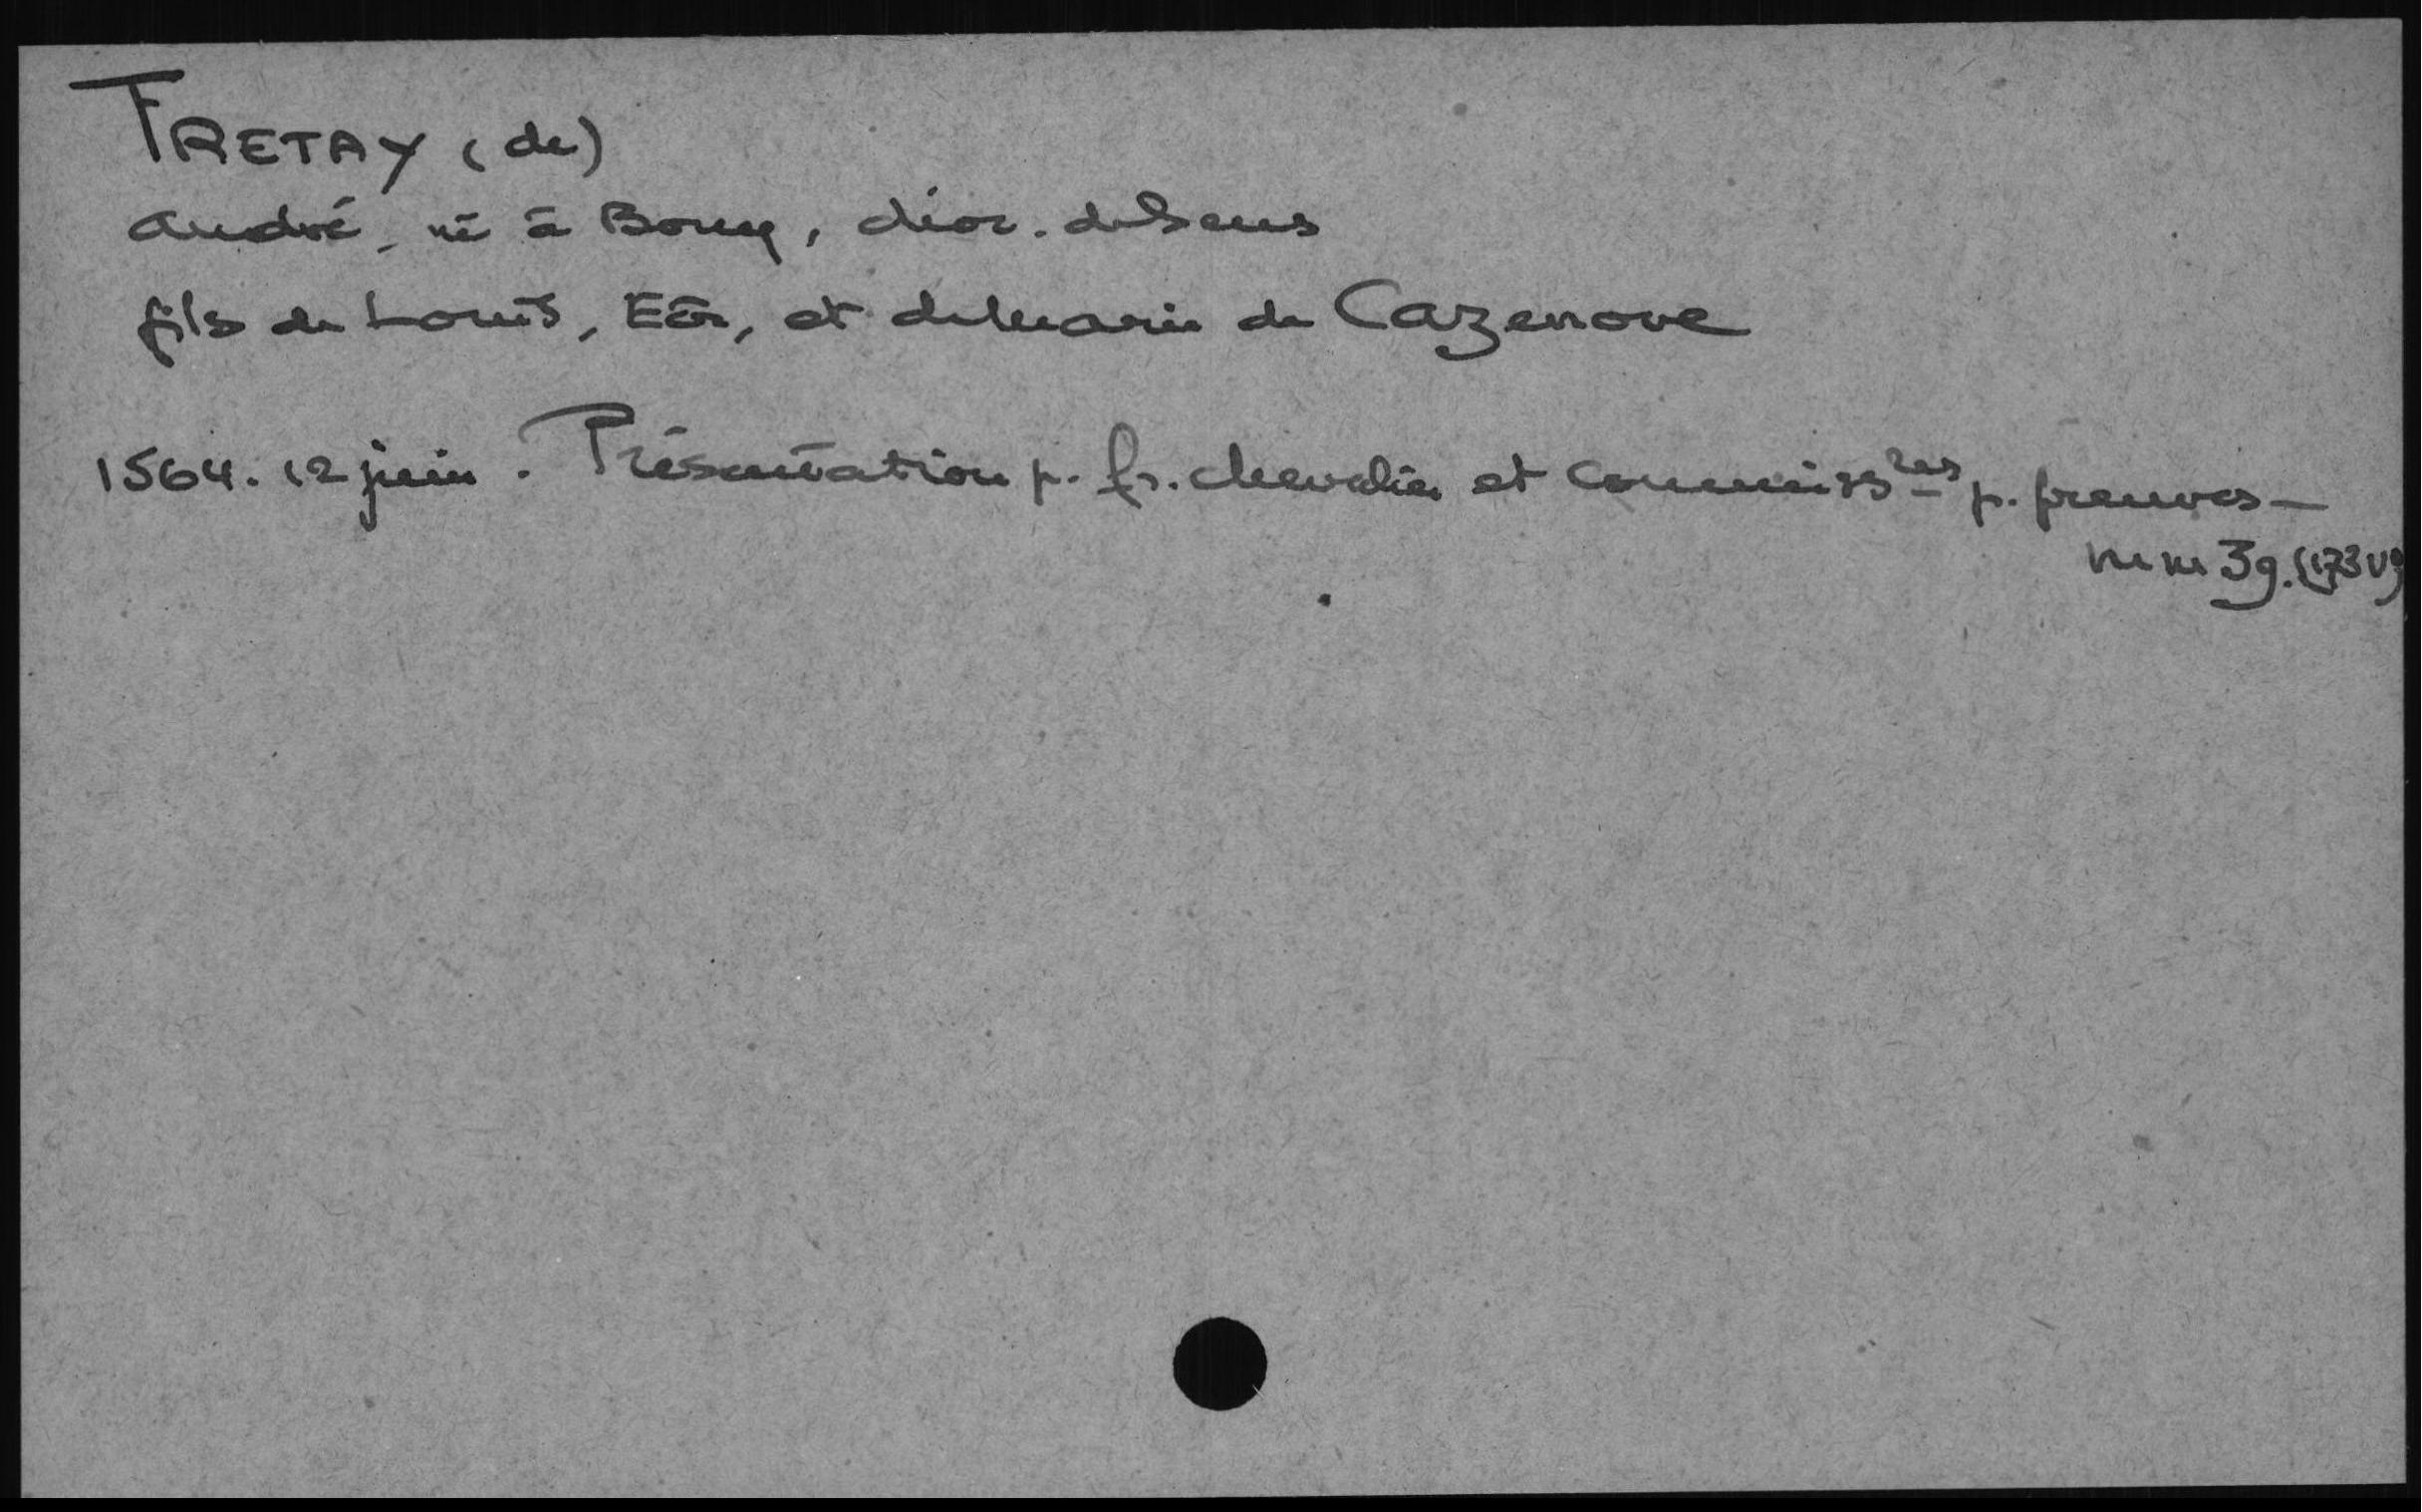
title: FRETAY (de), André, né à Bouy, diocèse de Sens, fils de Louis, écuyer, et de Marie de Cazenove
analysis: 1564, 12 juin. Présentation pour frère chevalier et commissaires pour preuves. MM 39 (173v)
